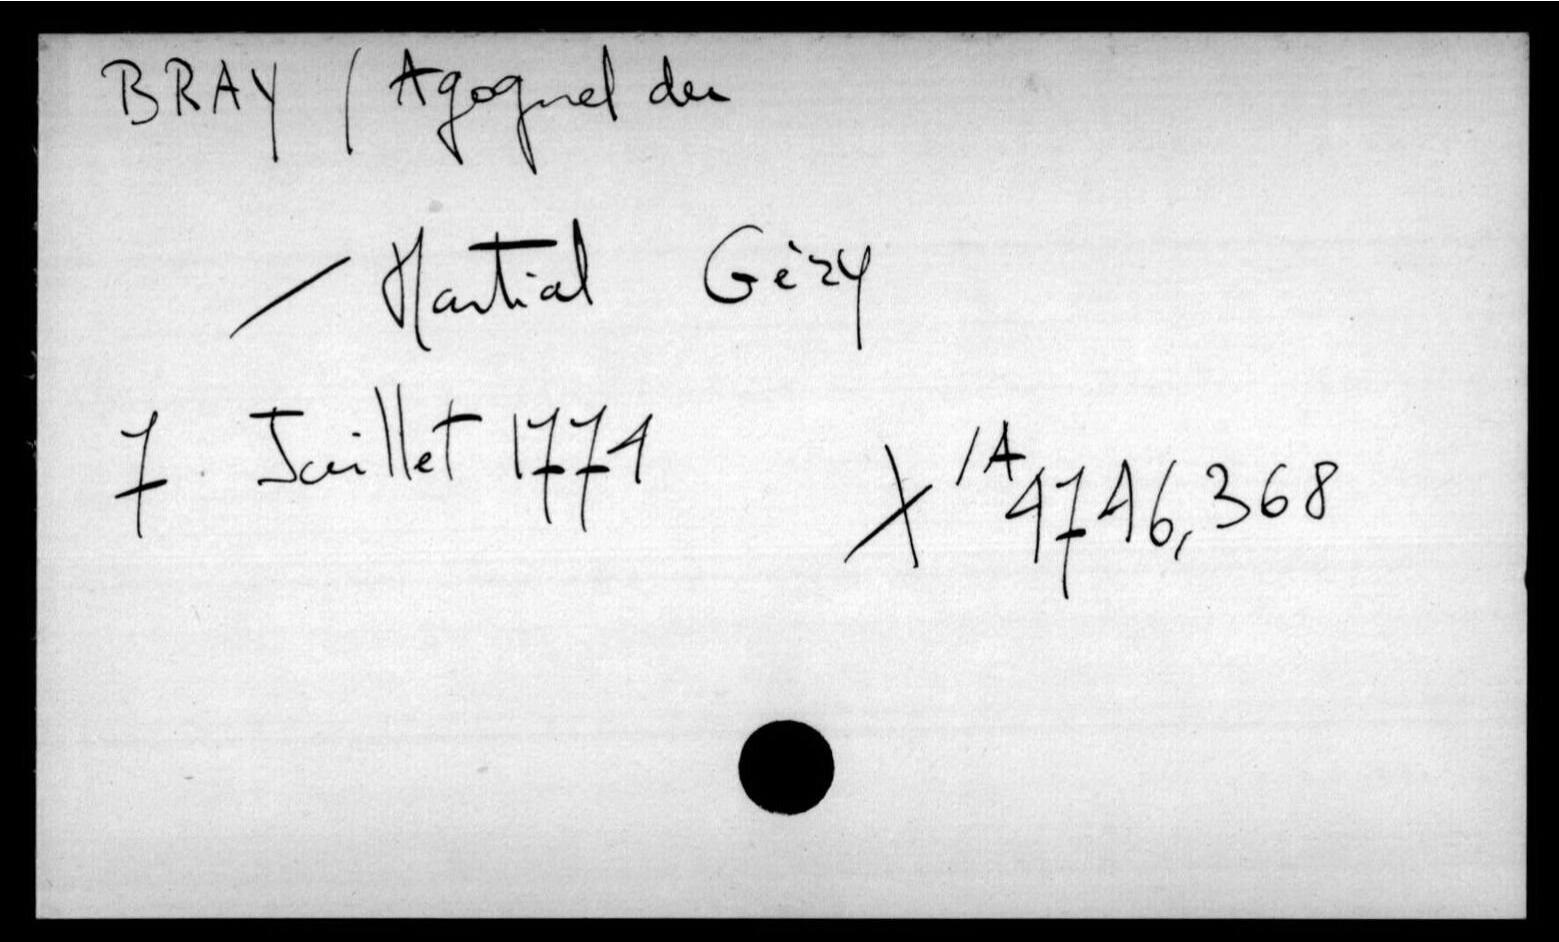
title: BRAY (Agognel du
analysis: Contre Martial GIRY
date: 7 juillet 1774
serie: X1A
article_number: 4746
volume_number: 368
